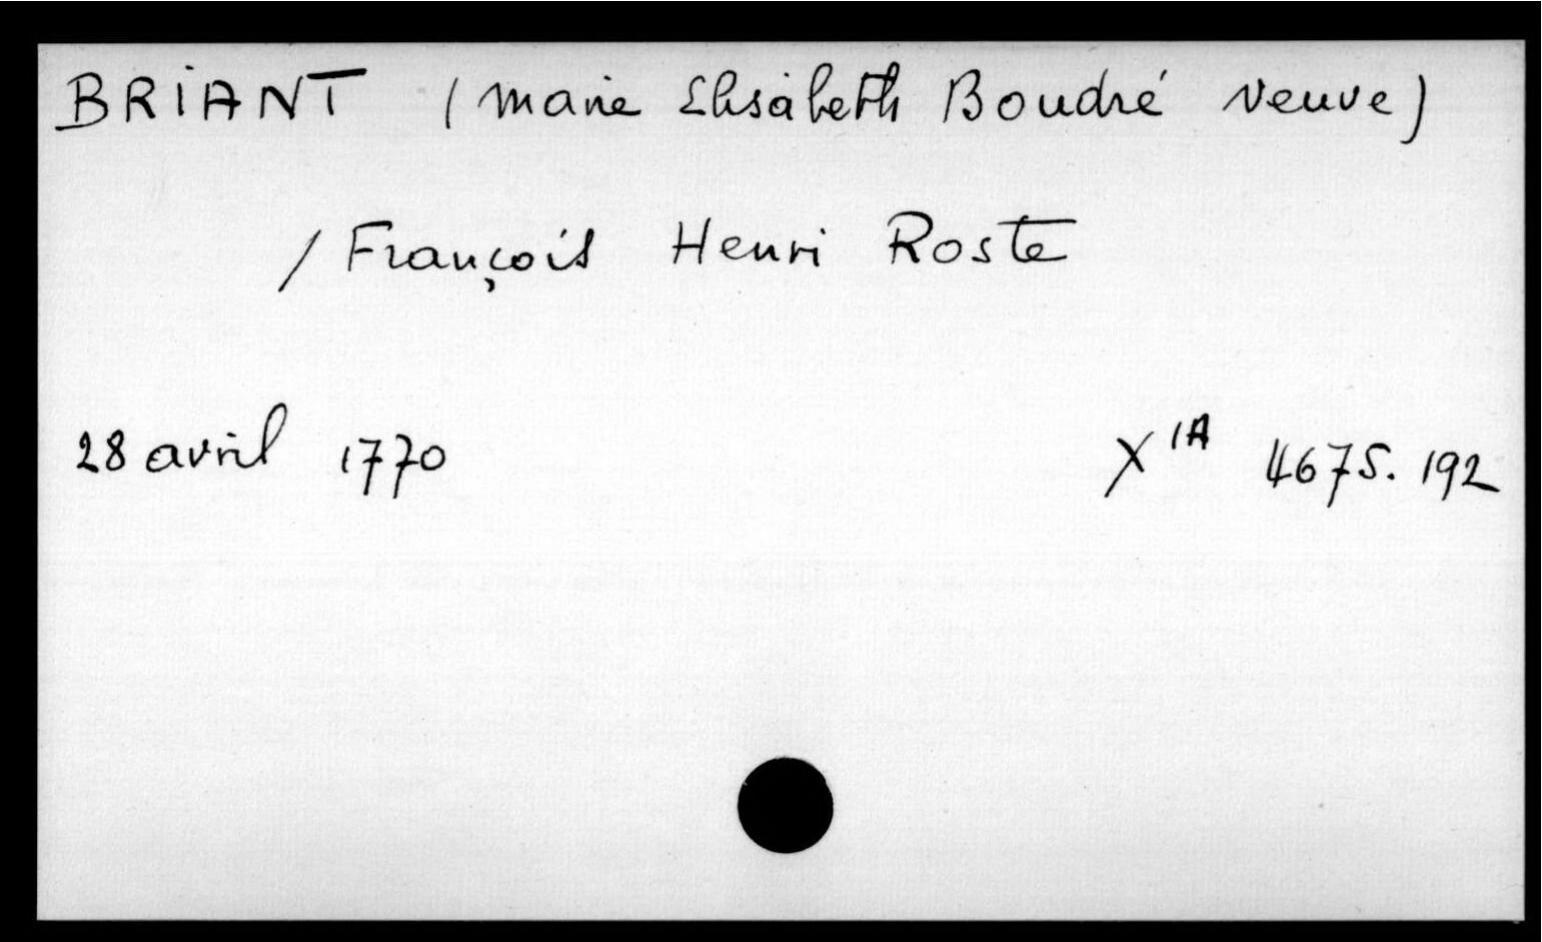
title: BRIANT (Marie Élisabeth Boudré Veuve)
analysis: Contre François Henri Roste
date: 28 avril 1770
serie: X1A
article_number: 4675
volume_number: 192
